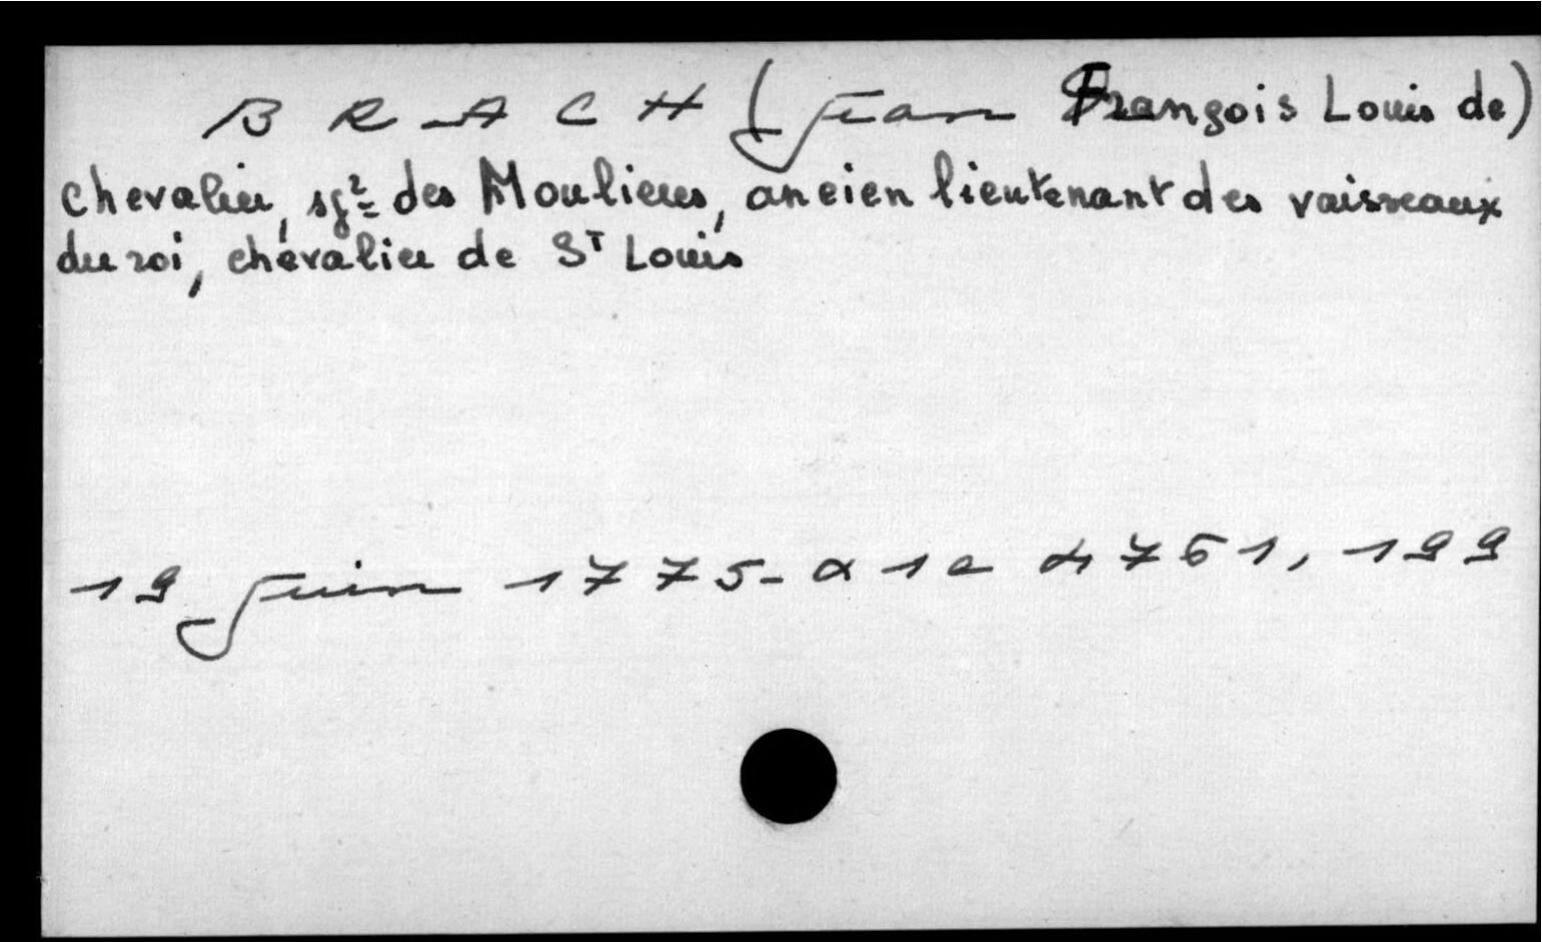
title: BRACH (Jean François Louis de) chevalier, seigneur des Moulières, ancien lieutenant des vaisseaux du roi, chevalier de Saint-Louis
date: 12 juin 1775
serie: X1a
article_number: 4761
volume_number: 199
